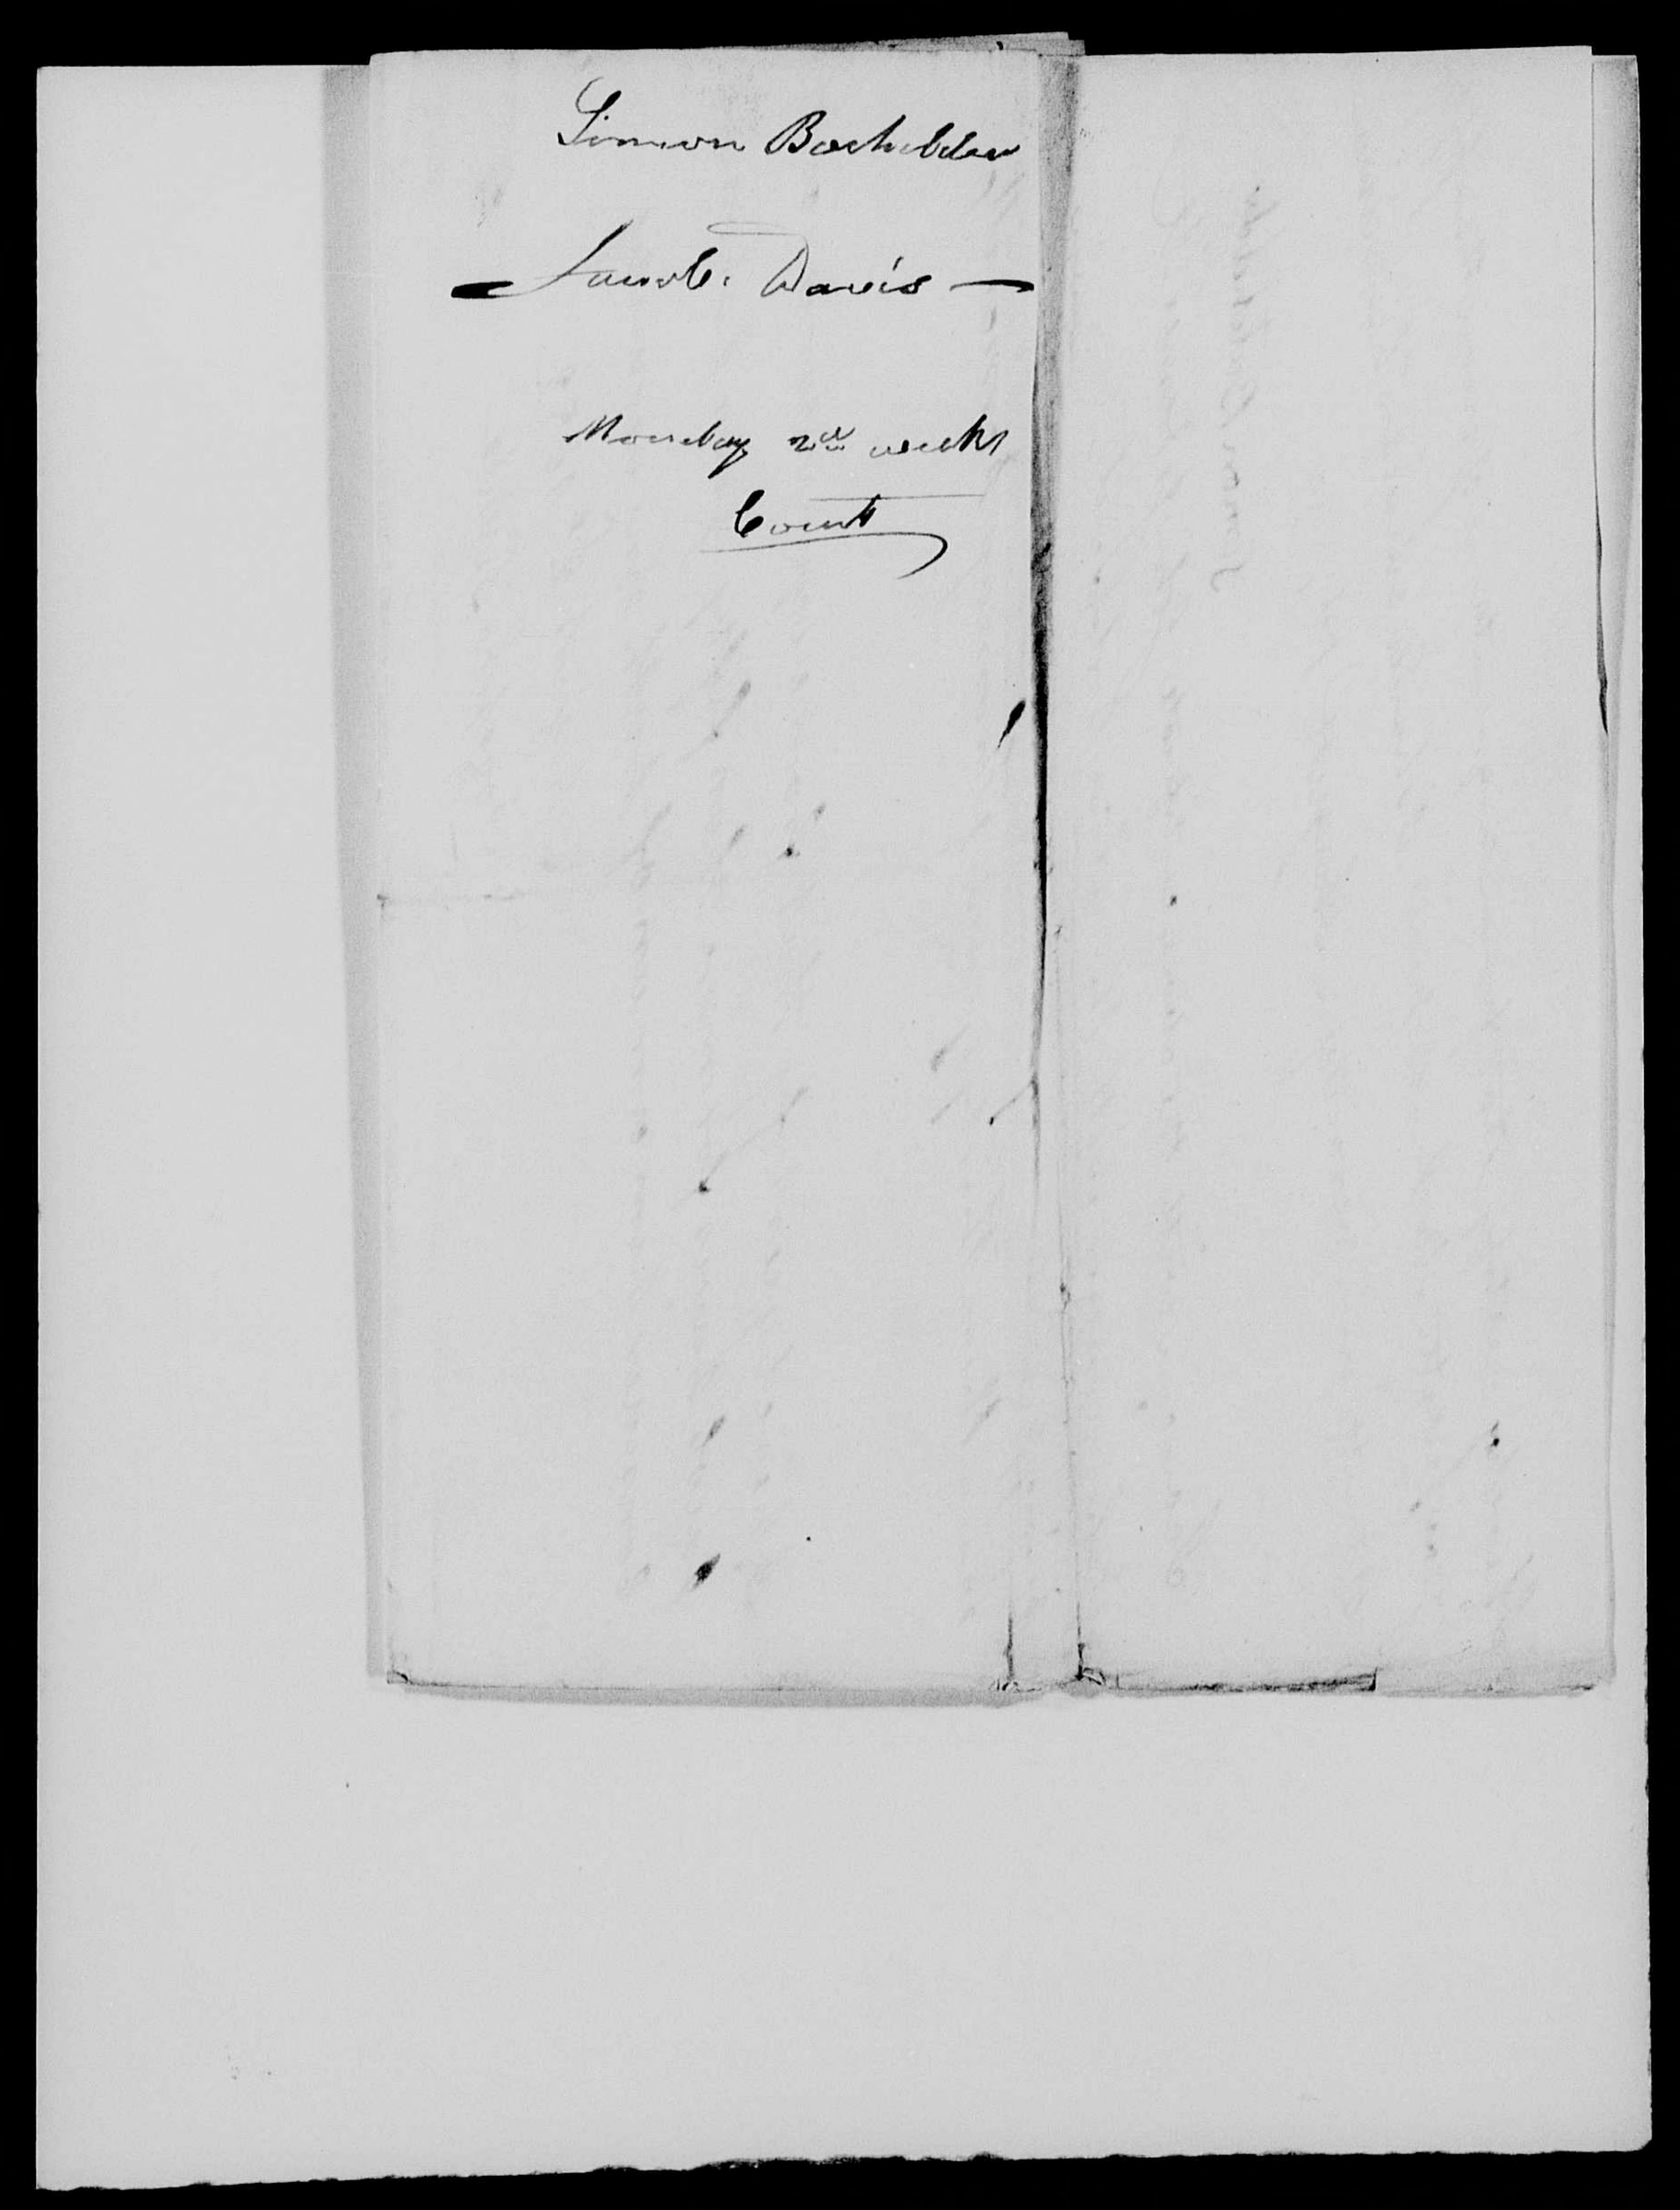Simon Bachelder
Jacob Davis
Monday 2d weeks
Court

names: Jacob Davis, Simon Bachelder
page: 26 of 47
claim: widow's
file: W. 24043, Jacob Davis, N.H.